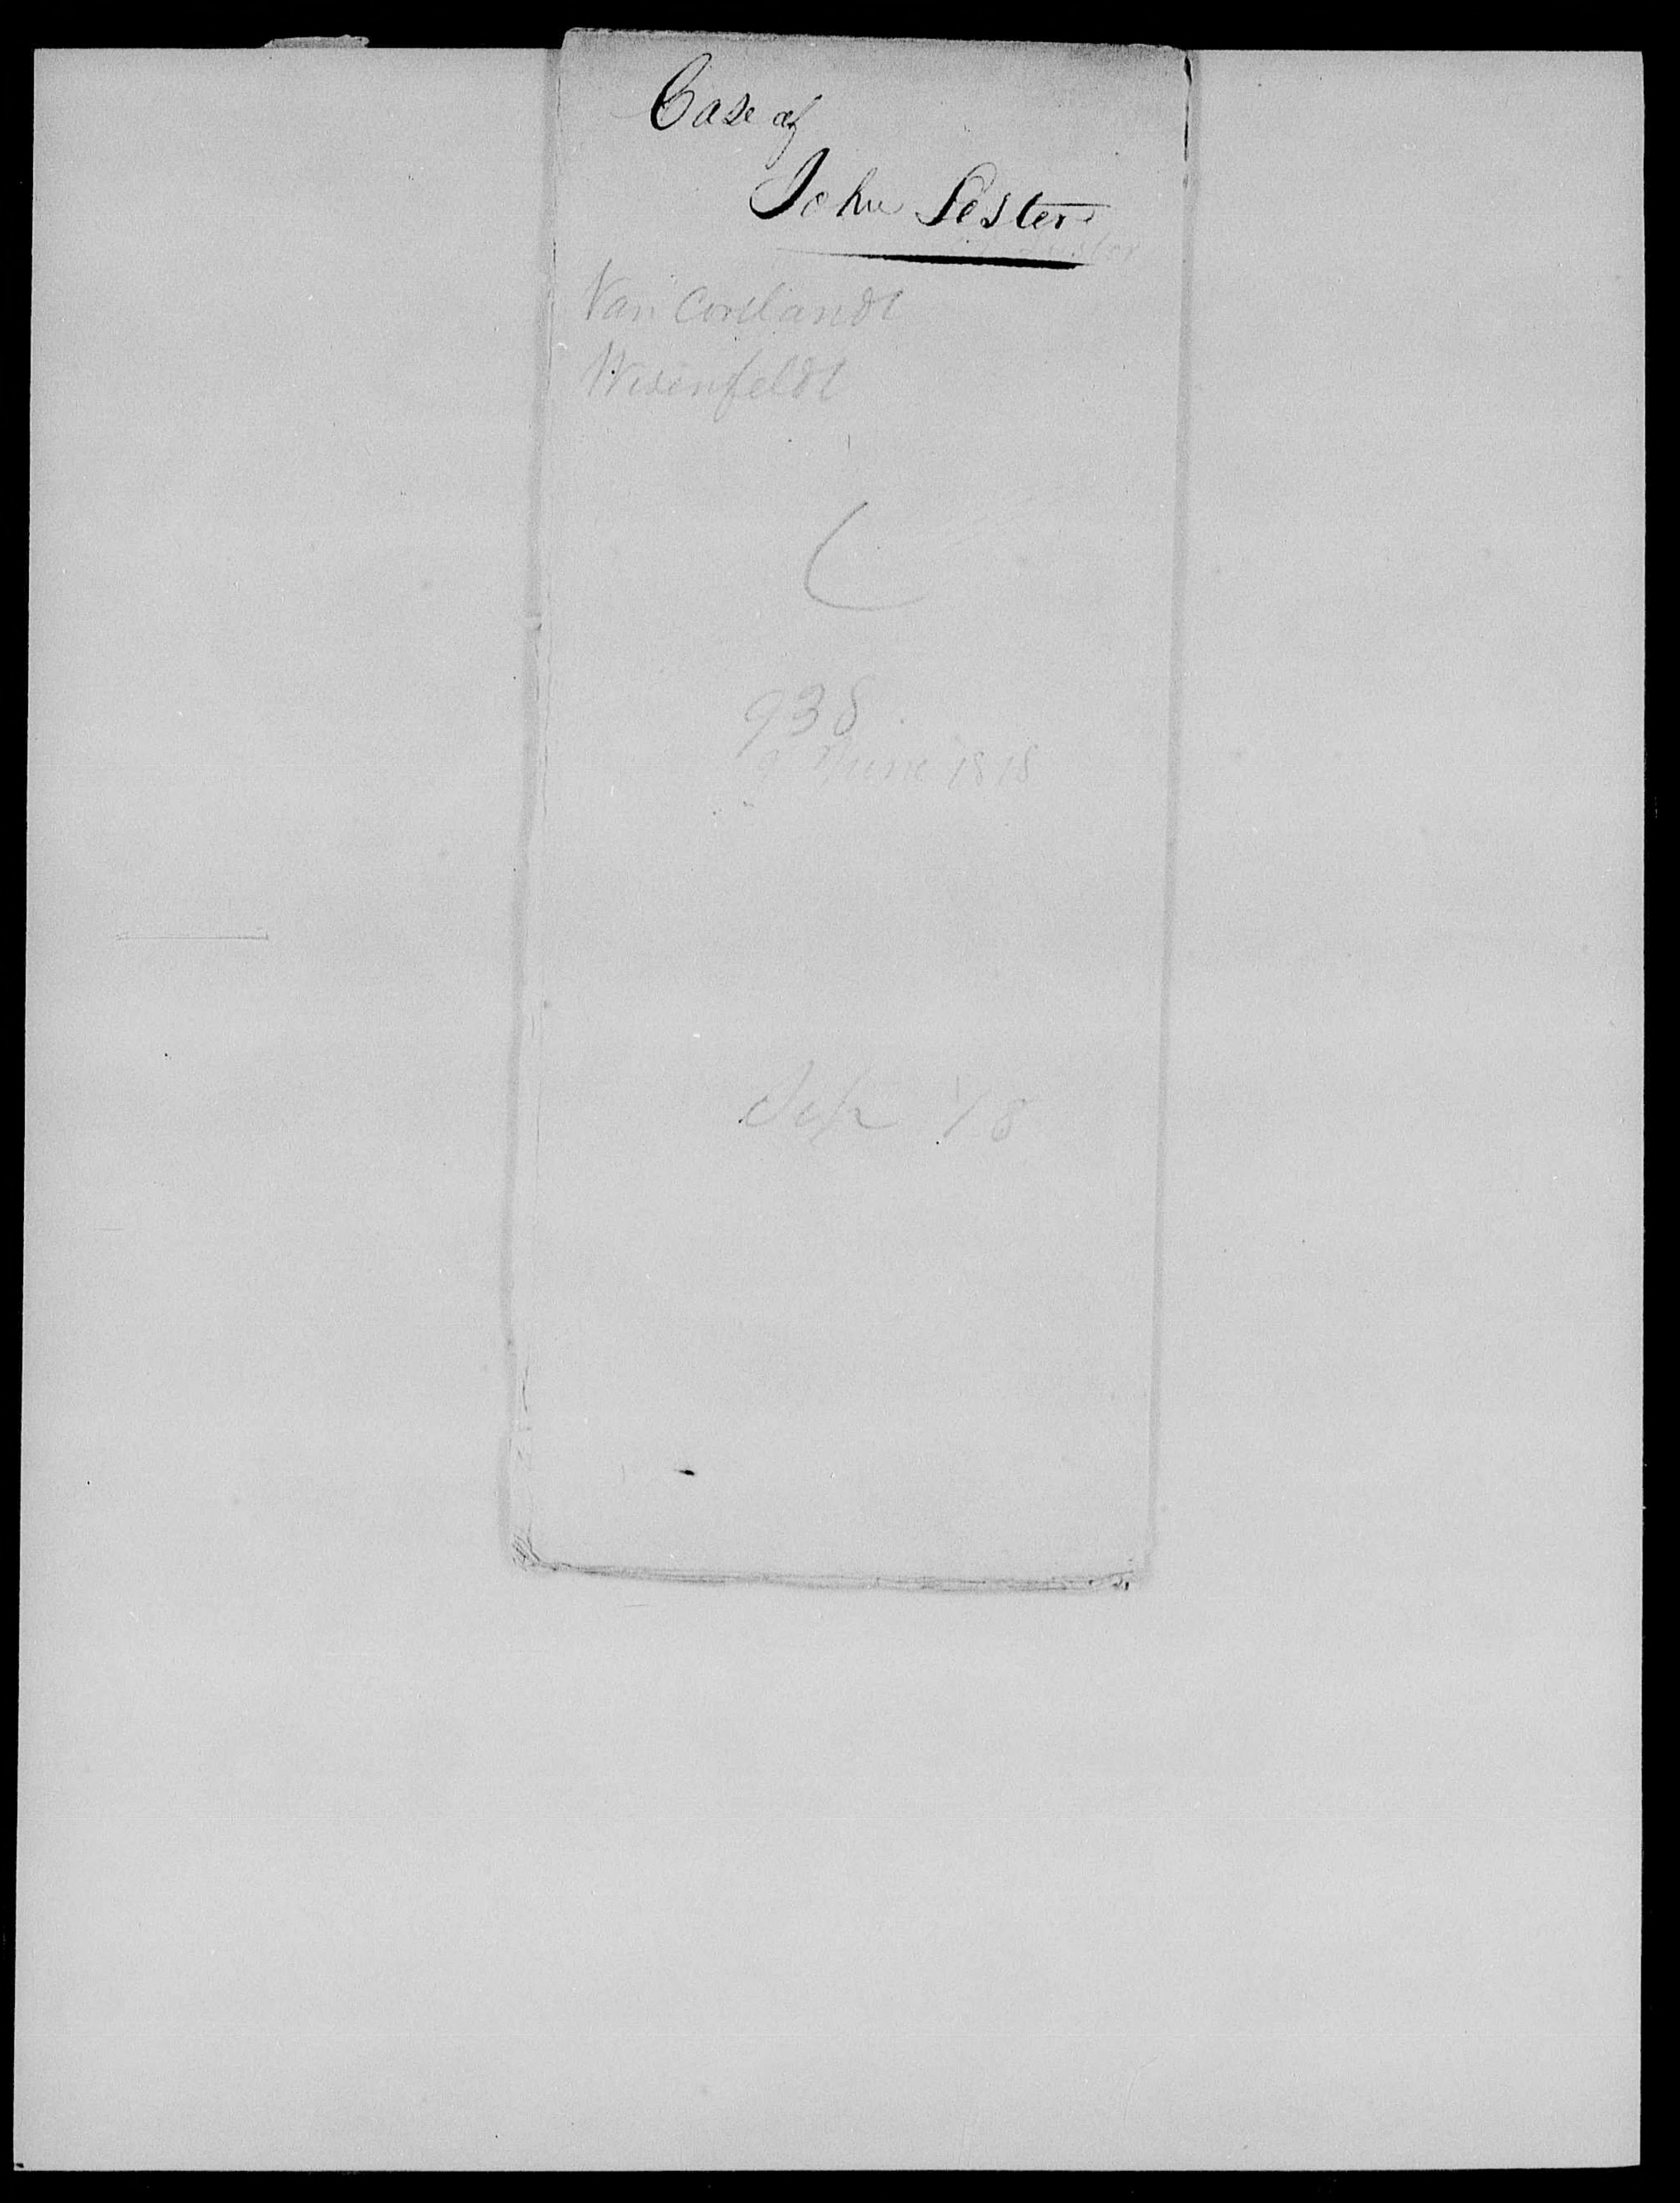Case of John Lester 
Van Cortlandt 
Wisenfeld
938
9 June 1818 
Sep '18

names: John Lester; [BLANK] Van Cortlandt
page: 6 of 14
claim: survivor's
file: S. 42844, for John Lester, New York